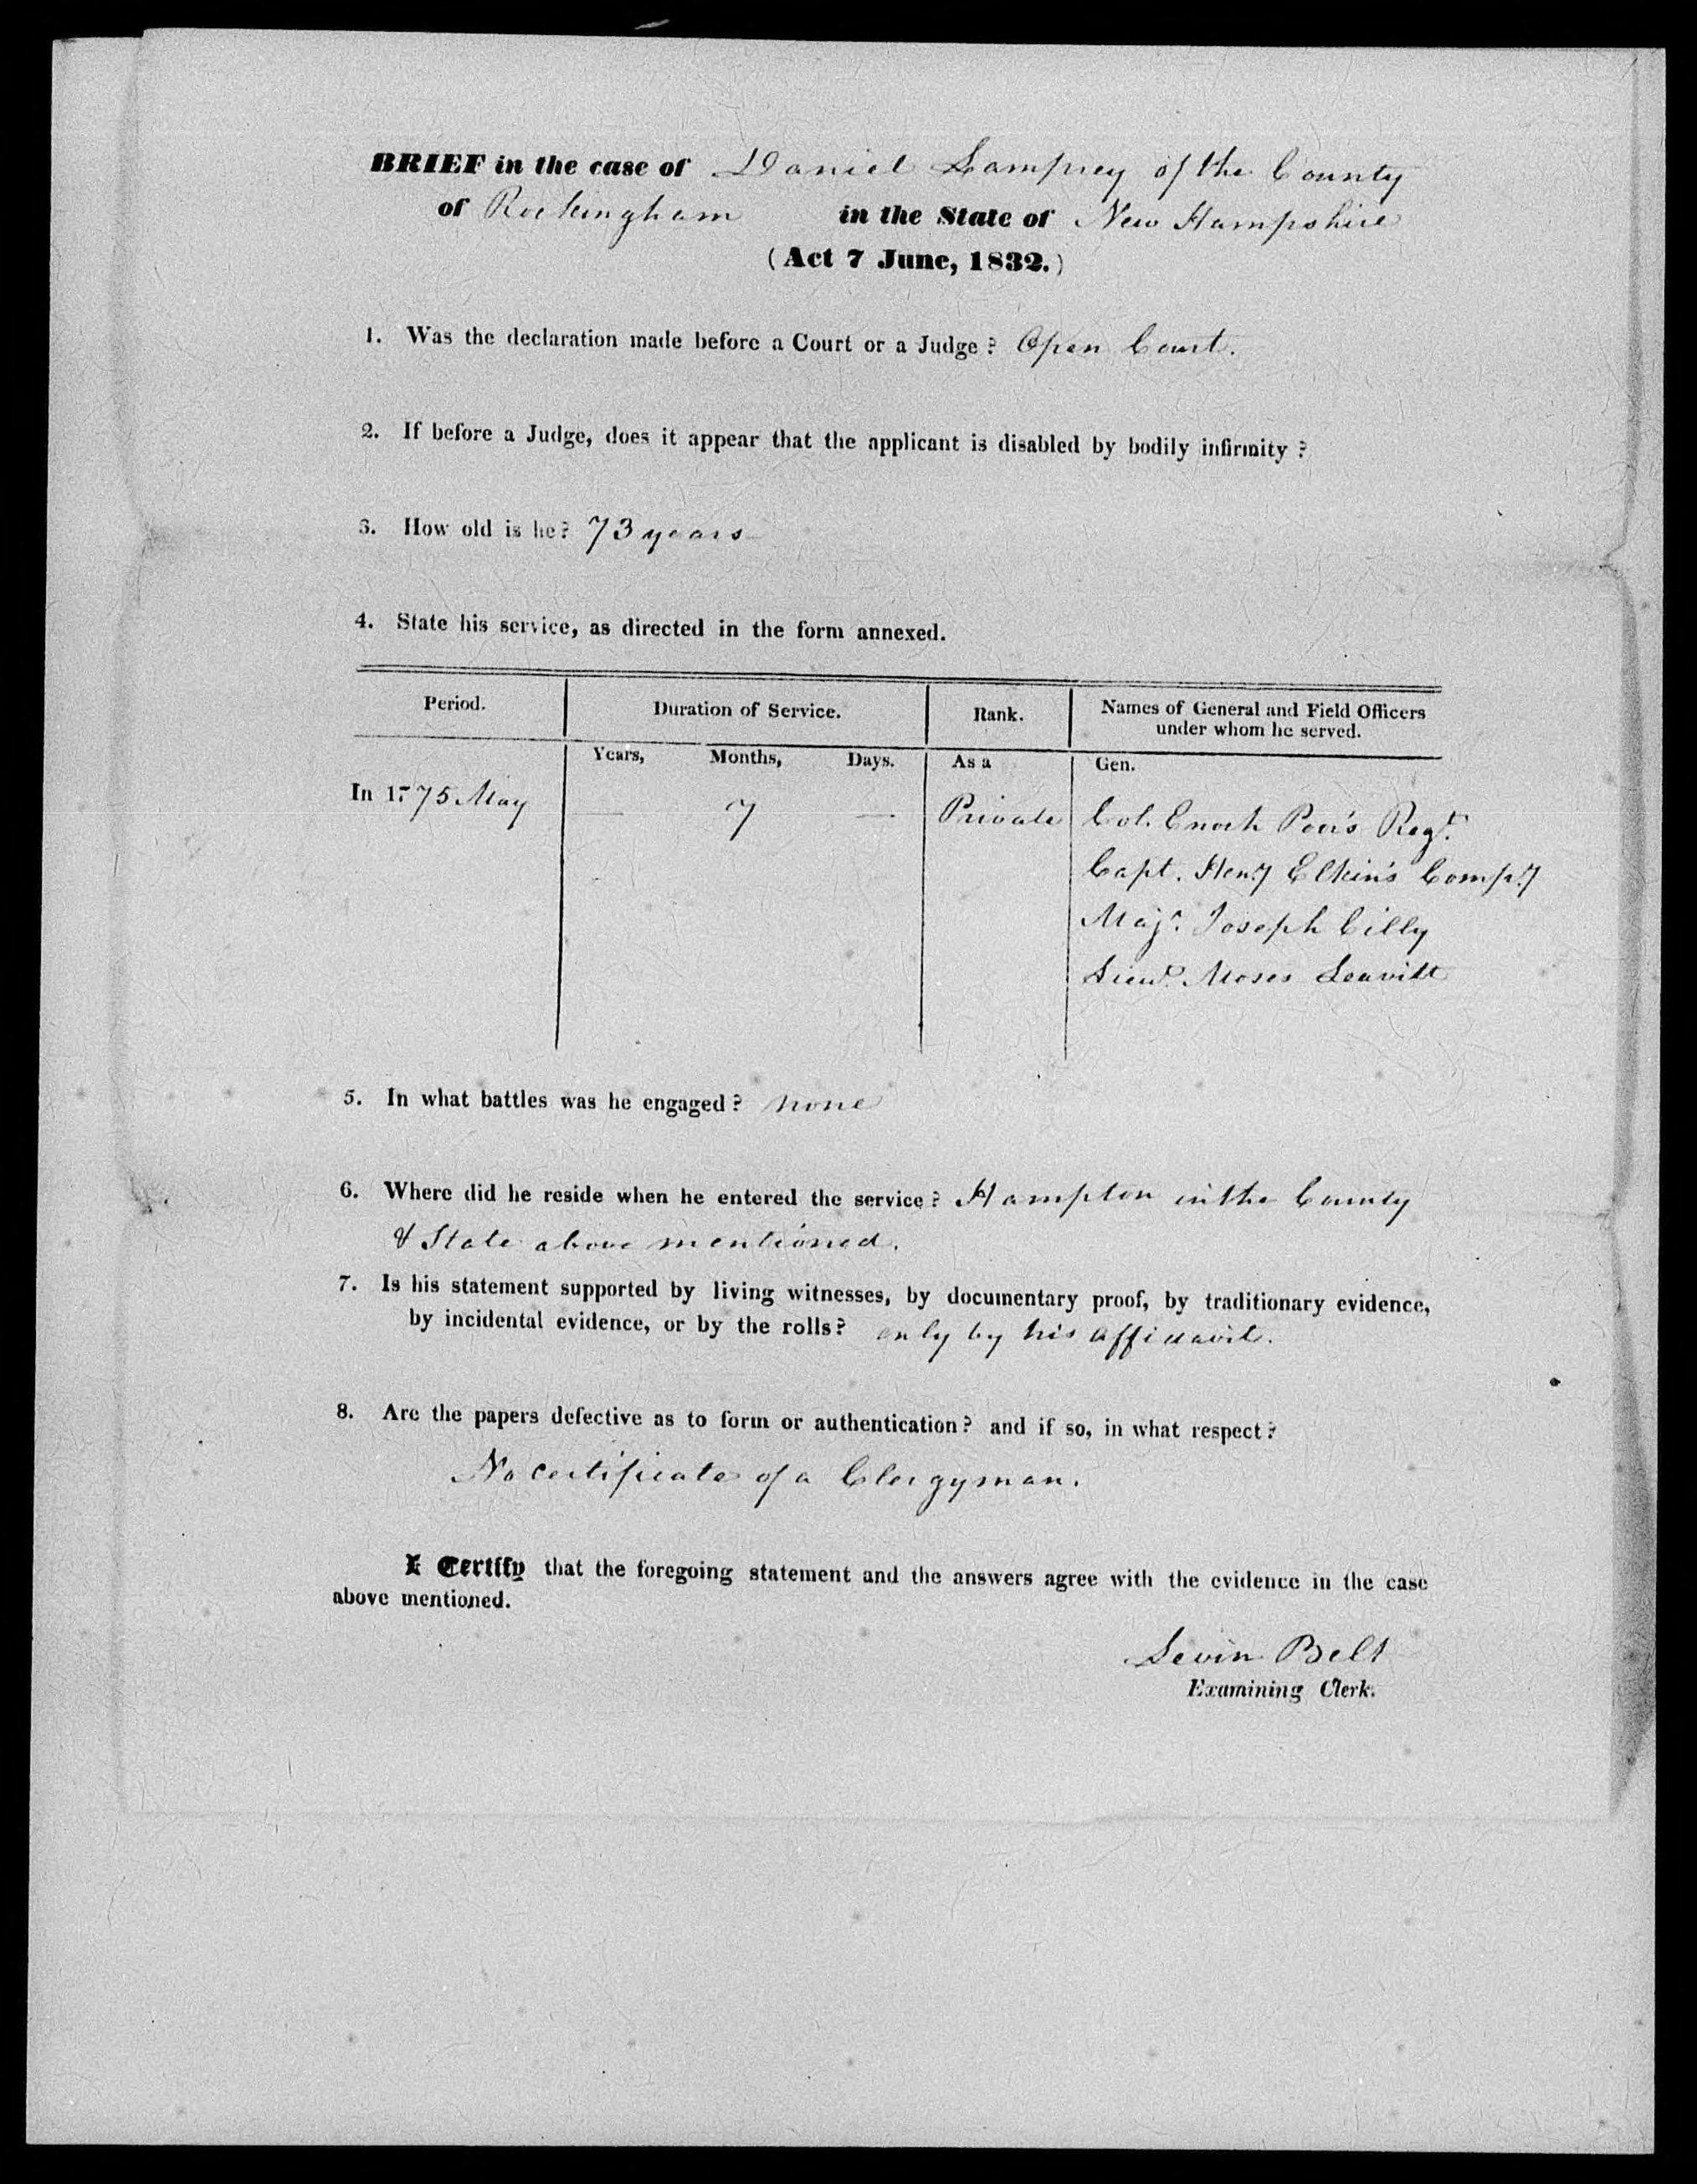BRIEF in the case of Daniel Lamprey of the County of Rockingham in the State of New Hampshire (Act 7 June, 1832.)

1. Was the declaration made before a Court or a Judge? Open Court
2. If before a Judge, does it appear that the applicant is disabled by bodily infirmity?
3. How old is he? 73 years
4. State his service, as directed in the form annexed.
Period| Duration of Service. | Rank. | Names of General and Field Officers under whom he served. |
In 1775 May | 7 Months | As a Private | Col. [COLONEL] Enoch Poor's Regt. [REGIMENT] Capt. [CAPTAIN] Henry Elkin's Company Maj [MAJOR] Joseph Cilley Lieut. [LIEUTENANT] Moses Leavitt
5. In what battles was he engaged? none
6. Where did he reside when he entered the service? Hampton in the County & State above mentioned.
7. Is his statement supported by living witnesses, by documentary proof, by traditionary evidence, by incidental evidence, or by the rolls? only by his affidavit
8. Are the papers defective as to form or authentication? and if so, in what respect? No certificate of a clergyman.
I Certify that foregoing statement and the answers agree with the evidence in the case above mentioned.
Levin Bell Examining Clerk.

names: Daniel Lamprey; Moses Leavitt; Joseph Cilly; Levin Belt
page: 6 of 53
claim: widow's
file: W. 492, for Daniel Lamprey, New Hampshire